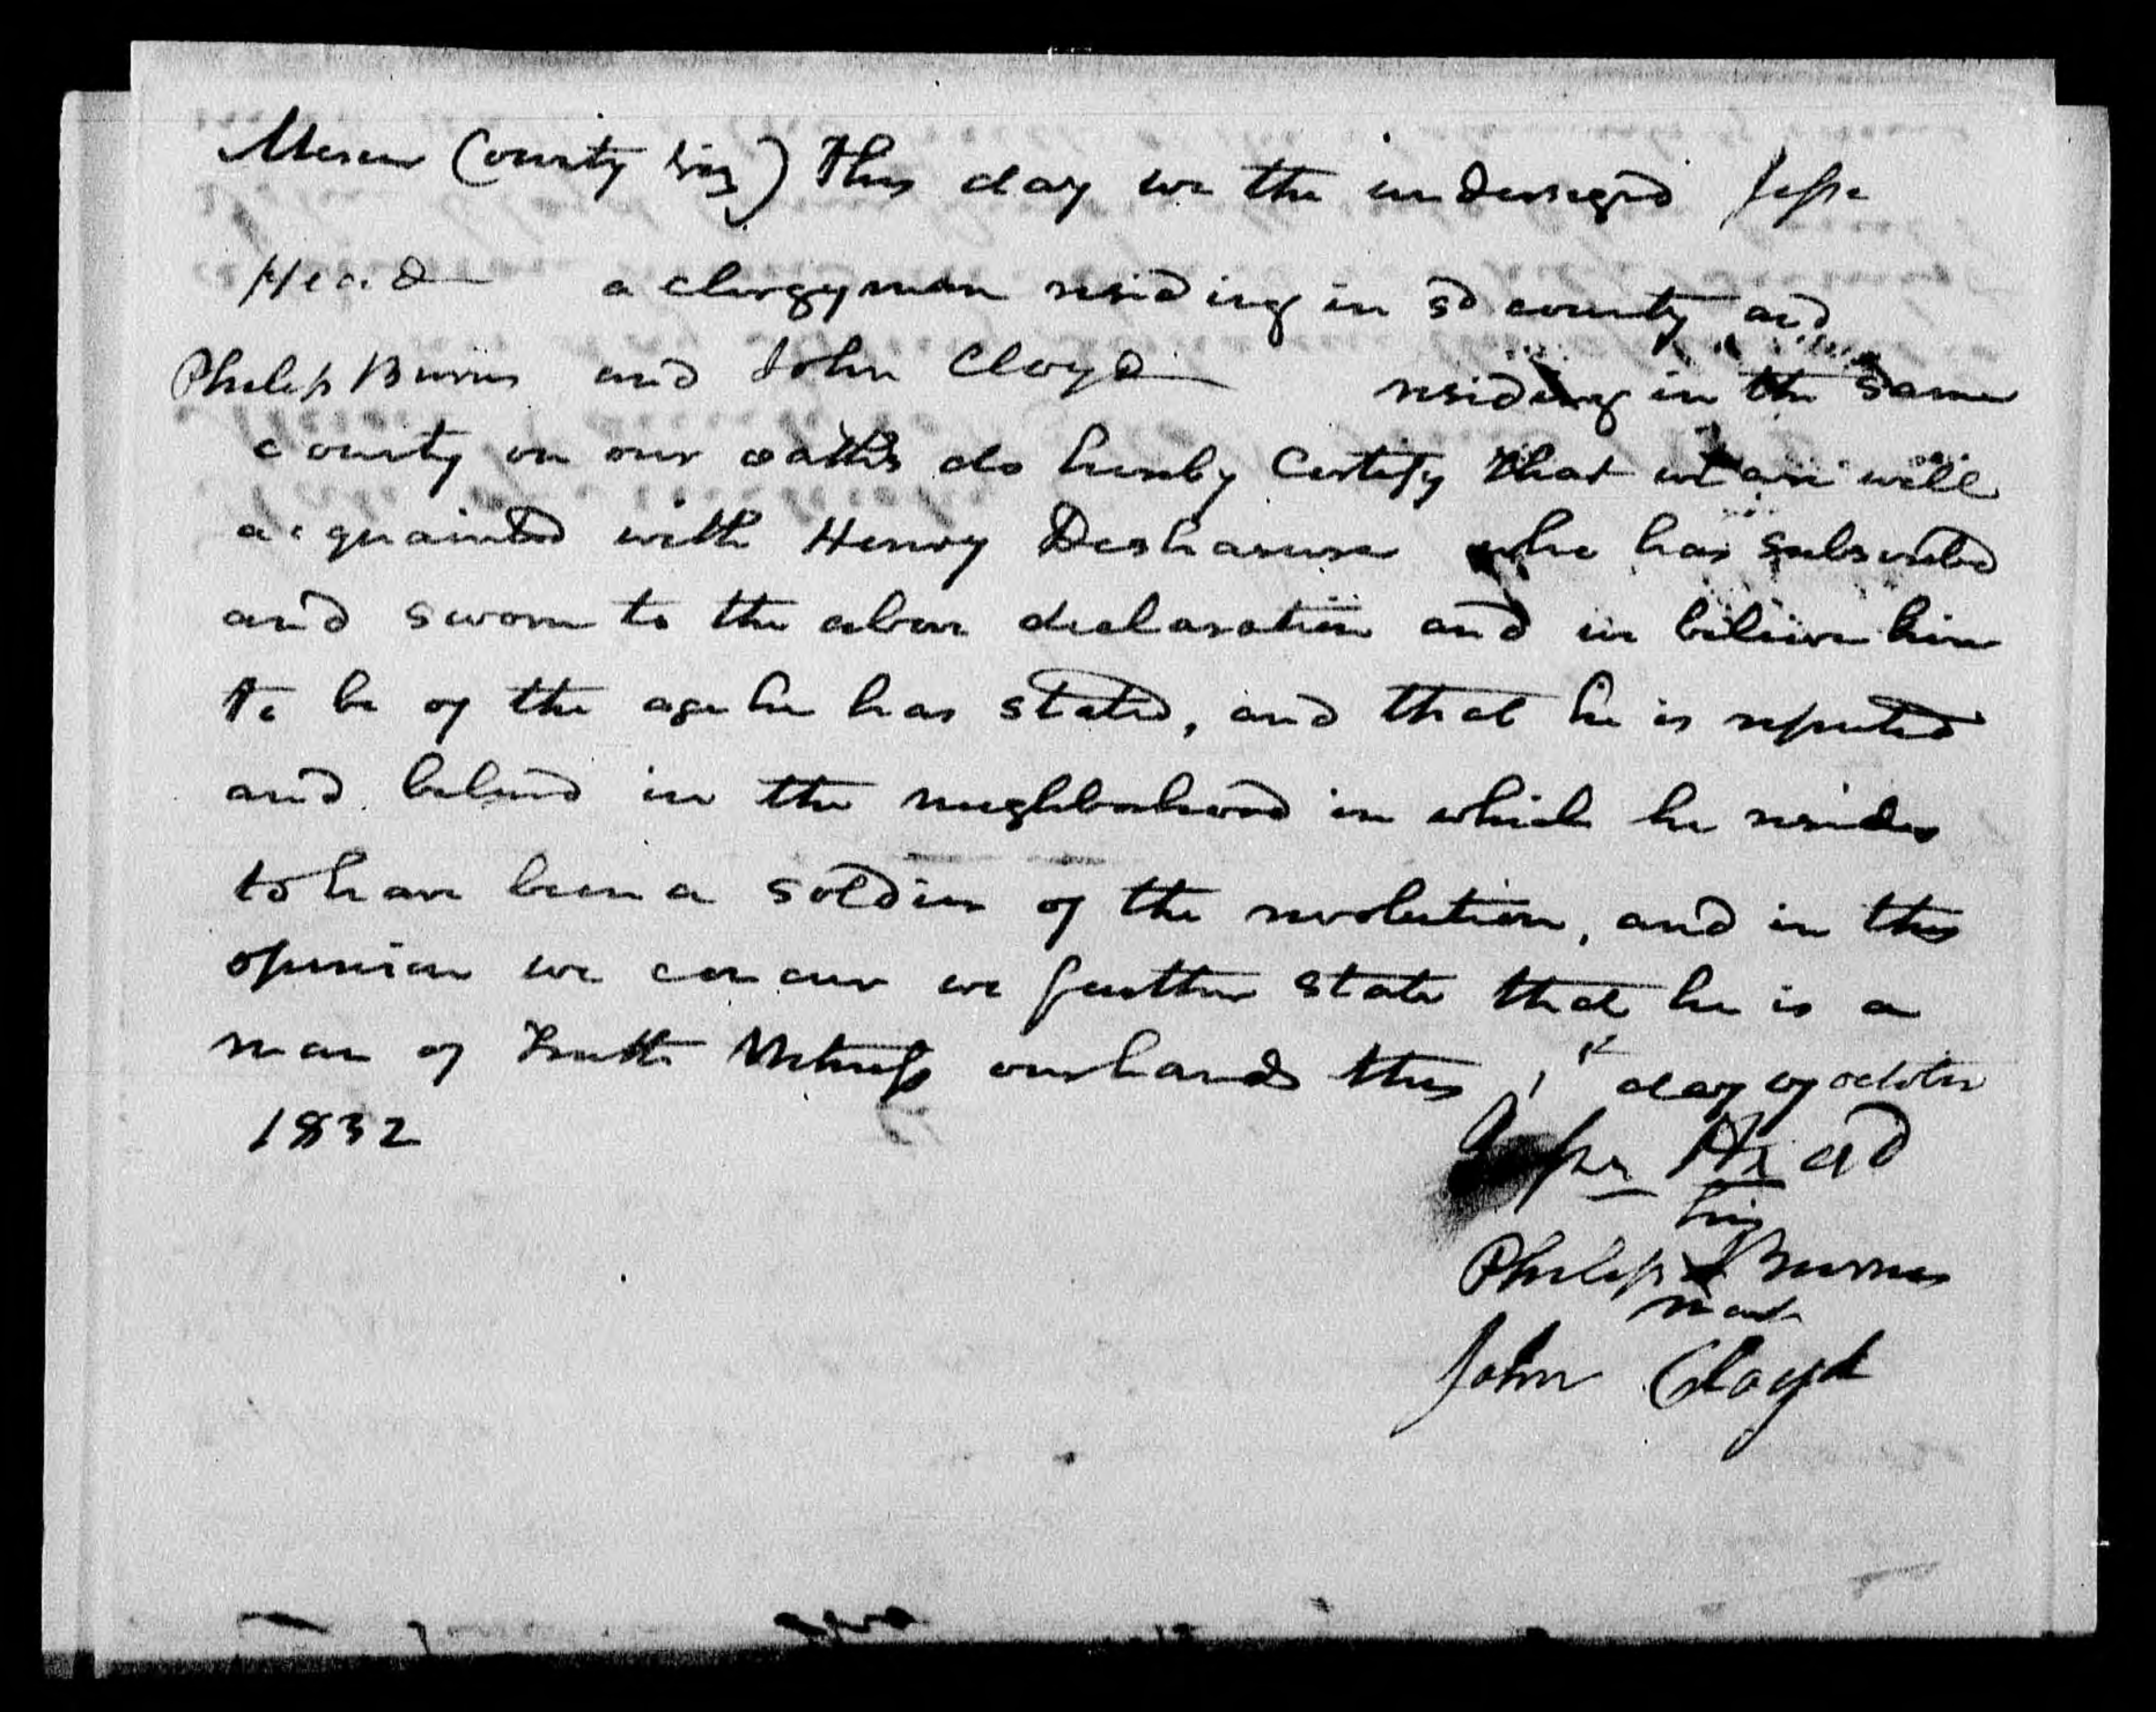Mercer County ss)
This day we the undersigned Jesse Head a Clergyman residing in sd county and Philip Burns and John Cloyd residing in the same county on our oaths do herby certify that we are well acquainted with Henry Deshasure who has subscribed and sworn to the above declaration and we believe him to be of the age he has stated, and that he is reputed and believed in the neighborhood in which he resides to have been a soldier of the revolution, and in this opinion we concur we further state that he is a man of truth Witness our hand this
1st day of October 1832
Jesse Head
Philip Burnes [X and the words "his mark" between first and last names]
John Cloyd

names: Henry Deshasure, John Cloyd, John Cloyd, Philip Burnes, Jesse Head, Jesse Head, Philip Burnes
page: 7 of 12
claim: survivor's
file: S. 16,362, Henry Deshasure, Ga. S.C.